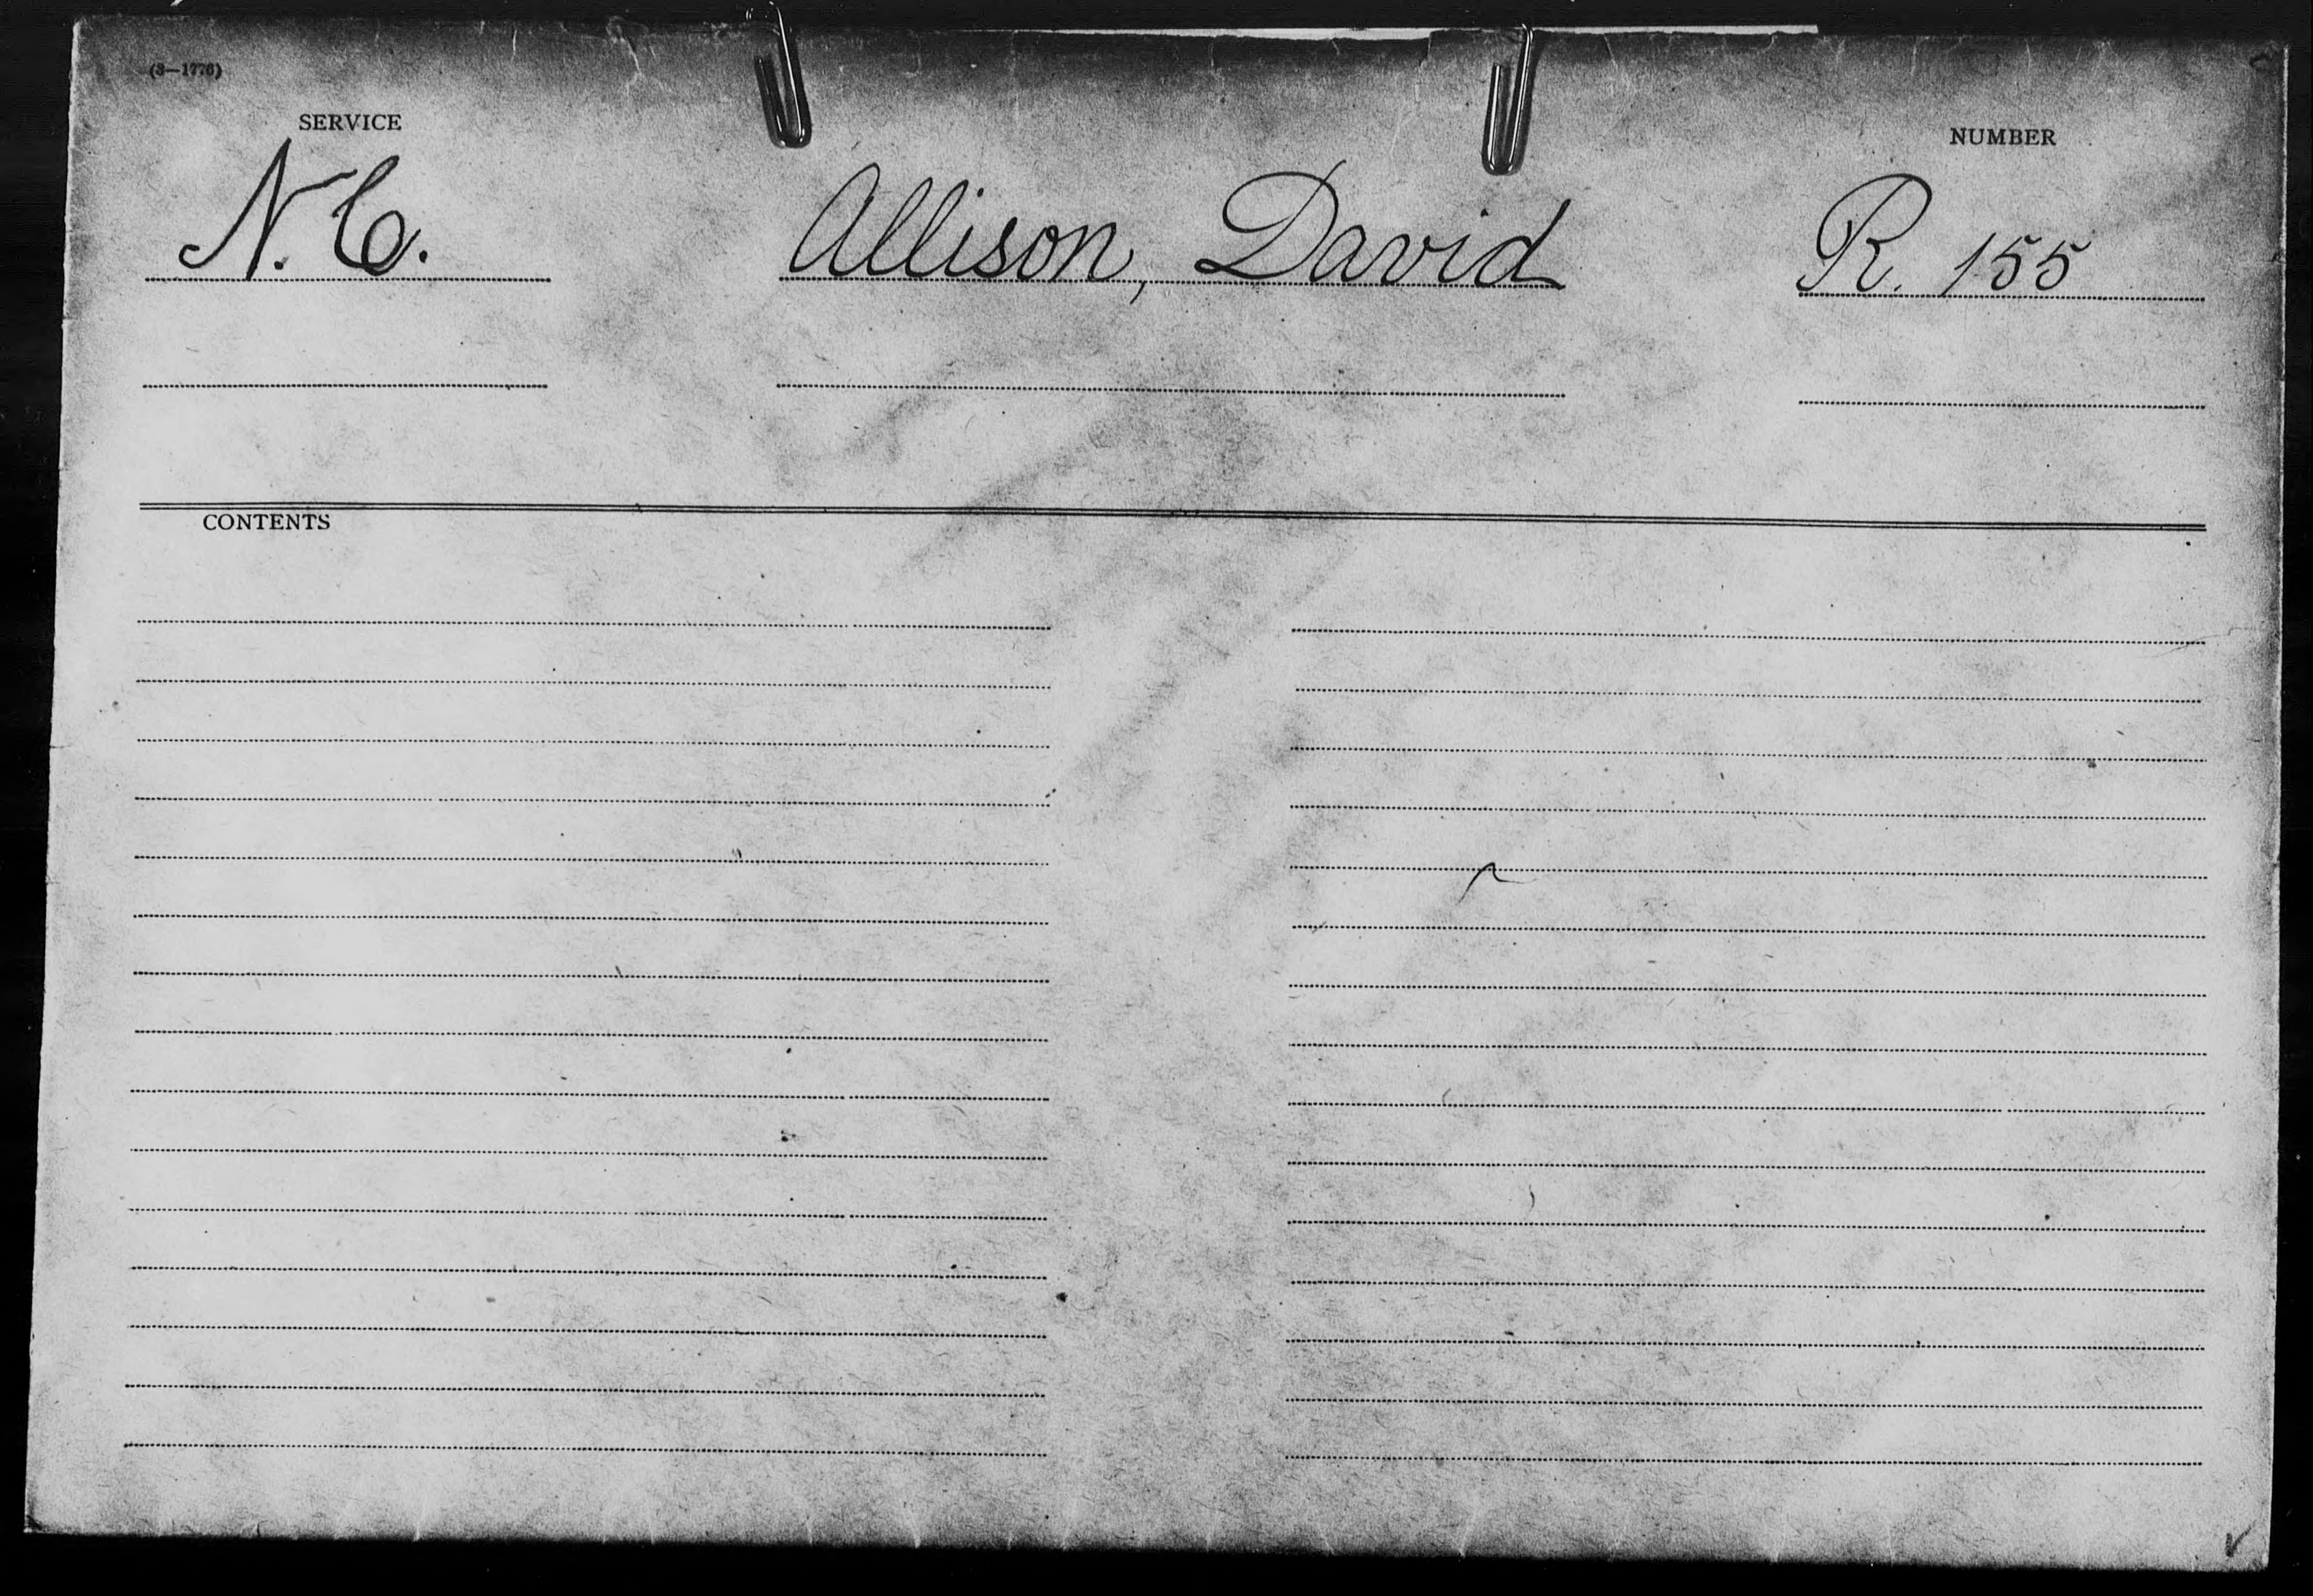(3--1776)

Service N. 6. Allison, David Number R. 155

Contents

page: 1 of 33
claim: rejected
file: R. 155, David Allison, N.C.